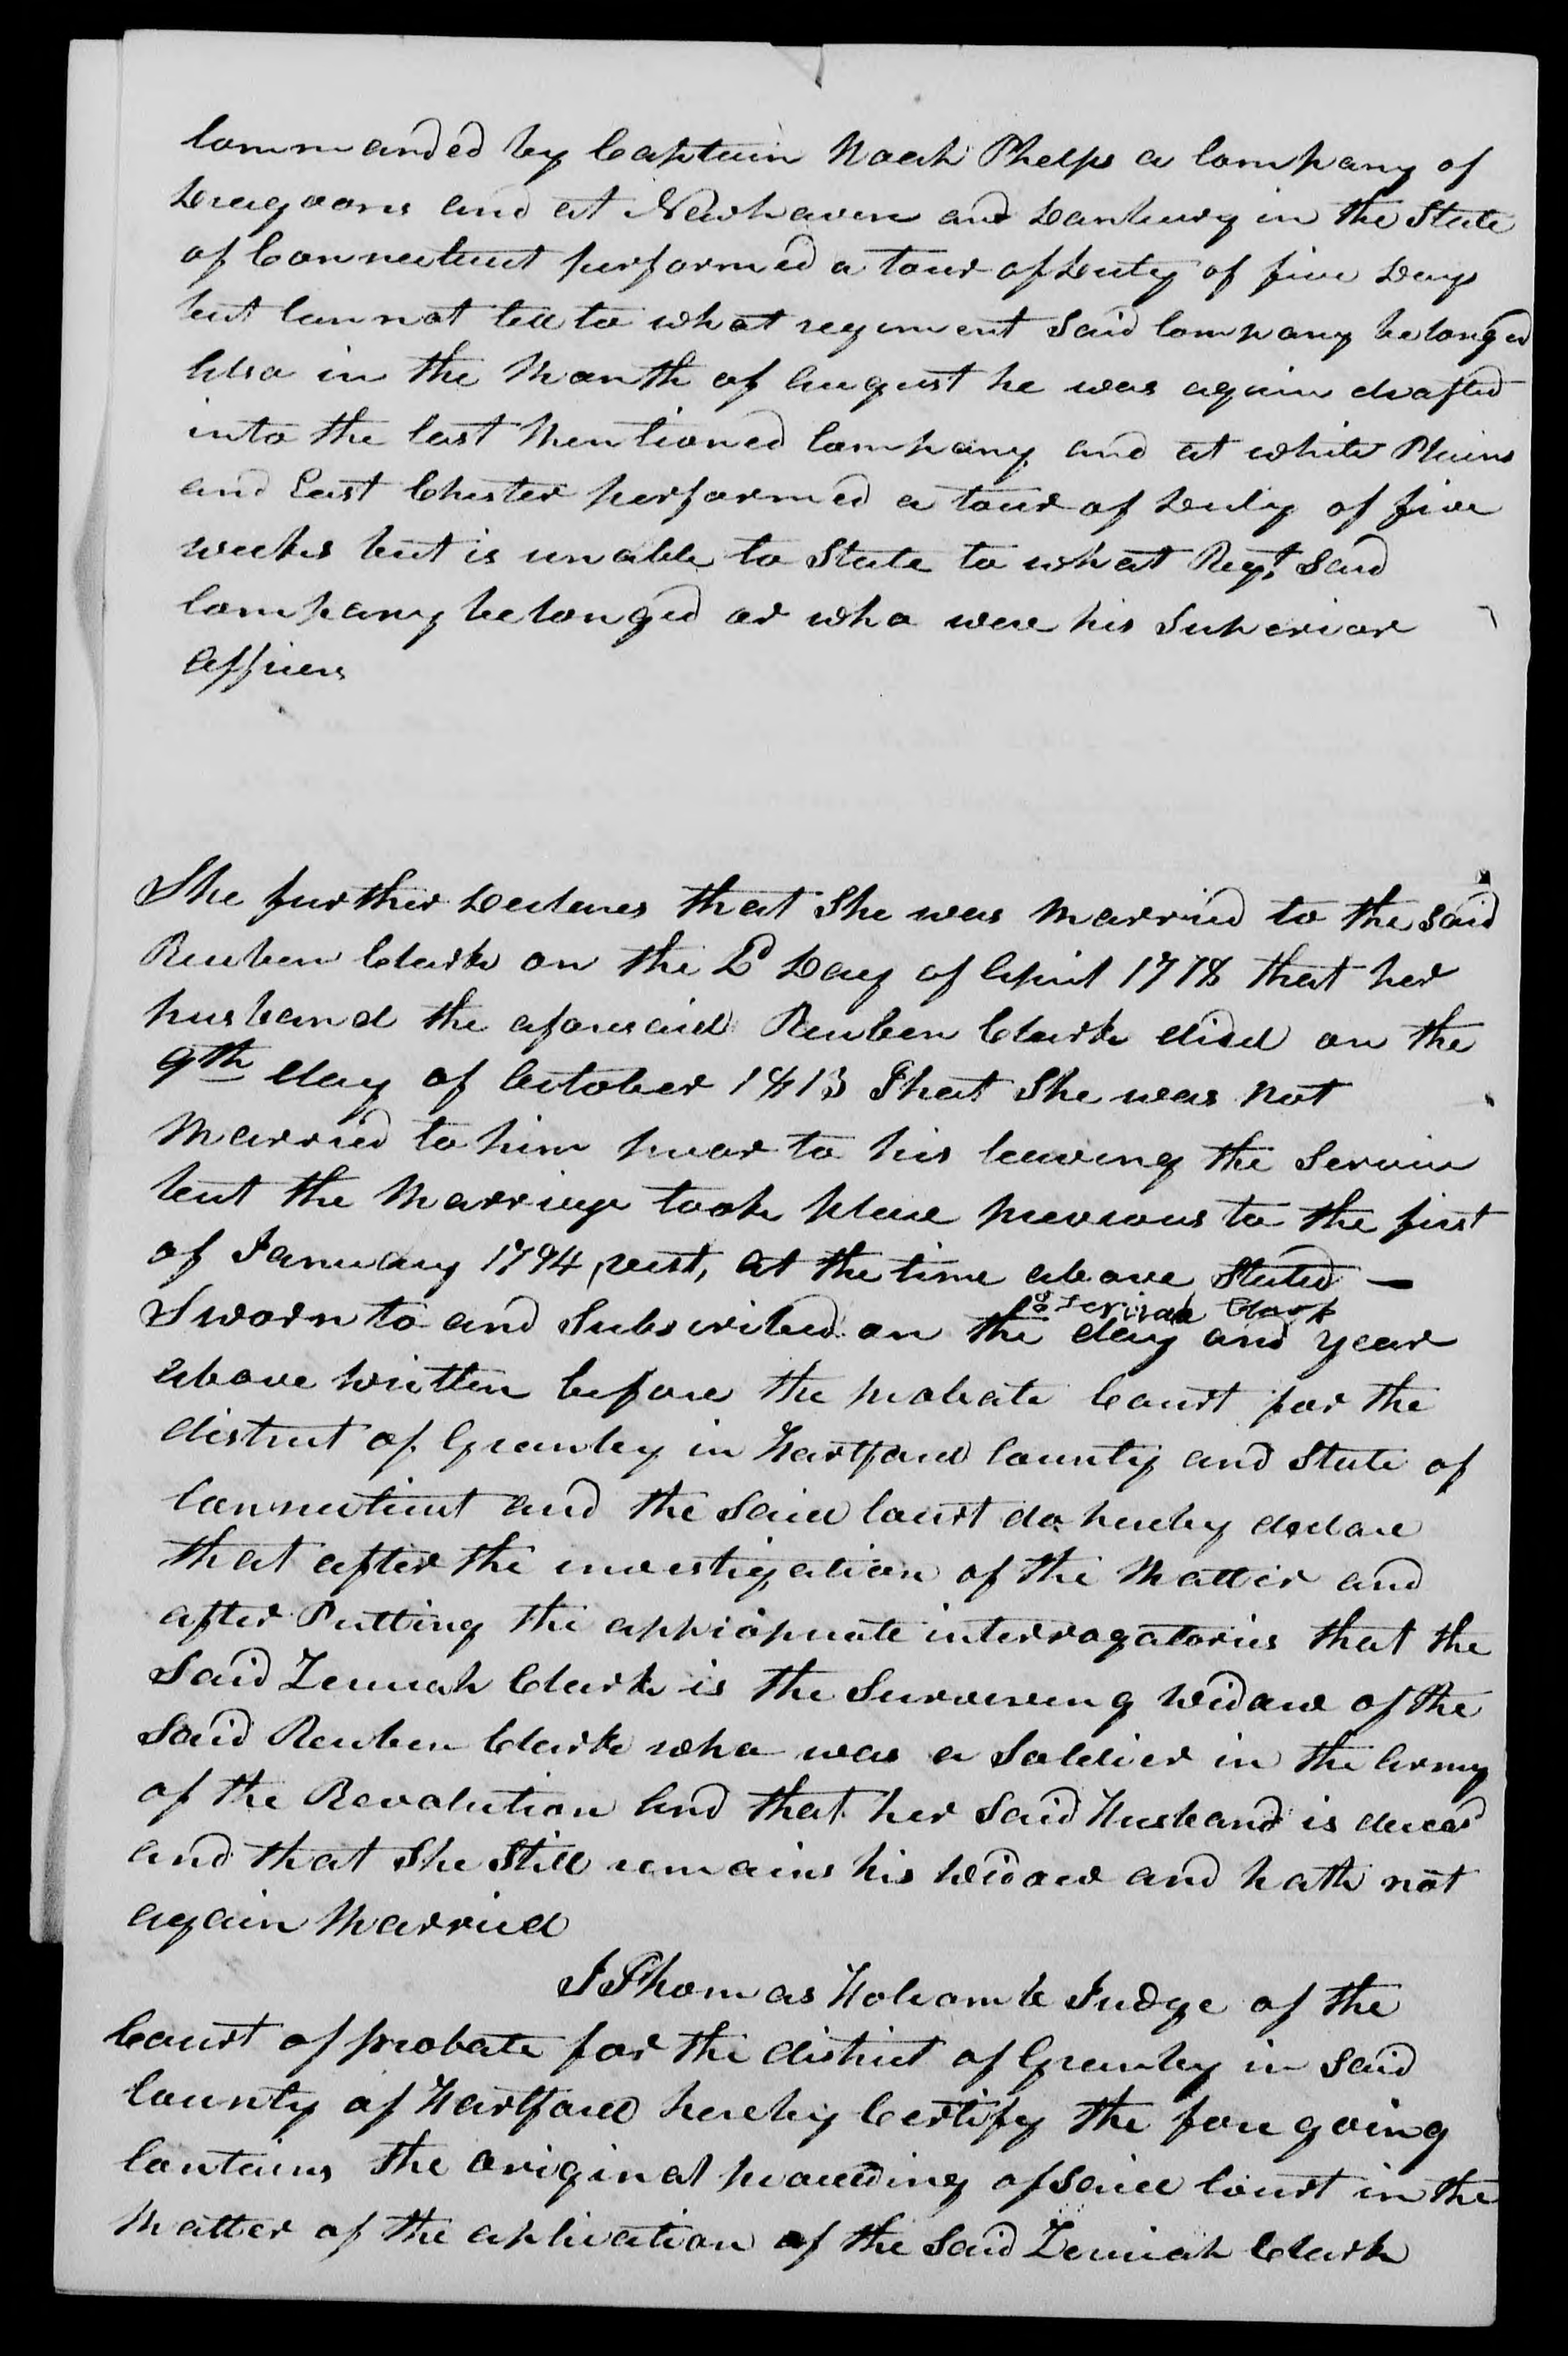[handwritten]	
Commanded by Captain Noah Phelps a Company of Dragoons and at Newhaven and Danburg in the State of Connecticut performed a tour of duty of five Days but Cannot tell to what regiment Said Company belonged  Also in the Month of August he was again drafted into the last mentioned Company and at White Plains and East Chester performed a tour of Duty of five weeks but is unable to State to what Regt Said Company belonged or who were his Superior Officers

She further Declared that She was married to the said Reuben Clark on the 2d day of April 1778  that her husband the aforesaid Reuben Clark died on the 9th day of October 1813  That She was not Married to him prior to his leaving the Service but the Marriage took place previous to the first of January 1794, vis, at the time above Stated – 
[signed] Zeruiah Clark
Sworn to and Subscribed on the day and year above written before the Probate Court for the district of Granby in Hartford County and State of Connecticut and the Said Court do hereby declare that after the investigation of the Matter and after Putting the appropriate interrogations that the Said Zeruiah Clark is the Surviving widow of the Said Reuben Clark who was a Soldier in the Army of the Revolution and that her said husband is decease and that She Still remains his widow and hath not again Married. 
I Thomas Holcomb Judge of the Court of Probate for the district of Granby in Said County of Hartford hereby Certify the foregoing Contains the original proceeding of Said Court in the Matter of the application of the Said Zeruiah Clark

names: Zeruiah Clark, Reuben Clark, Reuben Clark, Zeruiah Clark, Reuben Clark, Thomas Holcomb, Noah Phelps, Zeruiah Clark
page: 5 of 26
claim: widow's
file: W. 14483, Reuben Clark, Conn.